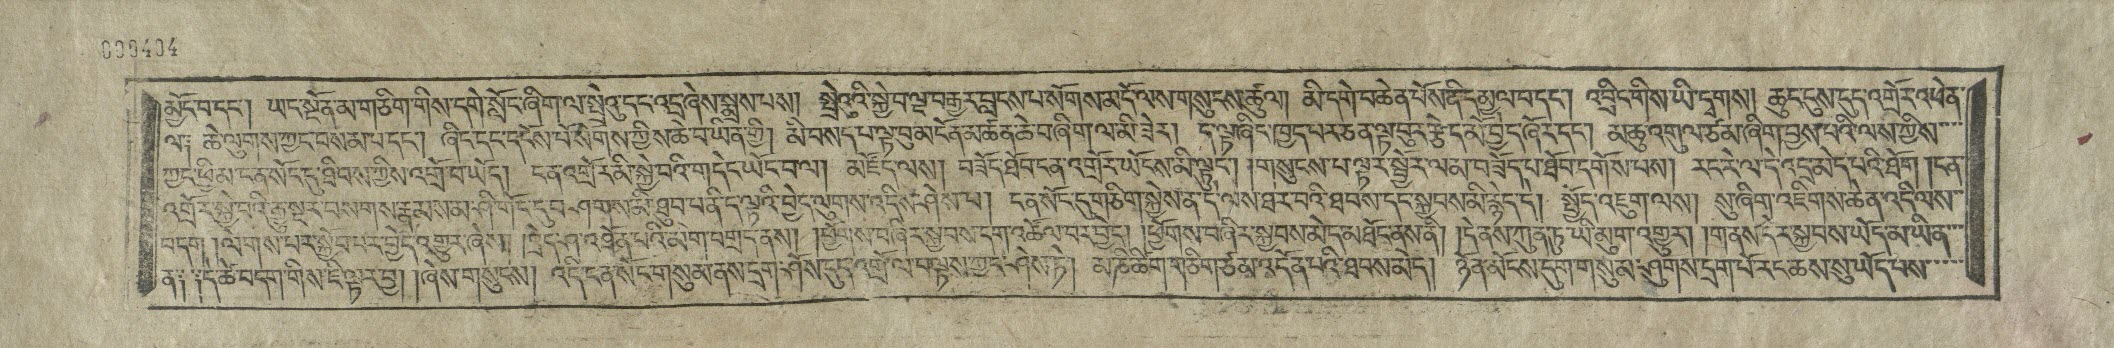མྱོང་བ་དང་། ཡང་སྔོན་མ་གཅིག་གིས་དགེ་སློང་ཞིག་ལ་སྤྲེའུ་དང་འདྲ་ཞེས་སྨྲས་པས། སྤྲེའུའི་སྐྱེ་བ་ལྔ་བརྒྱར་བླངས་པ་སོགས་མདོ་ལས་གསུངས་ཚུལ། མི་དགེ་བ་ཆེན་པོས་ནི་དམྱལ་བ་དང་། འབྲིང་གིས་ཡི་དྭགས། ཆུང་དུས་དུད་འགྲོར་འཕེན་
ལ༑ ཆེ་ལུགས་ཀྱང་བསམ་པ་དང་། ཞིང་དང་དངོས་པོ་སོགས་ཀྱིས་ཆེ་བ་ཡིན་གྱི། མི་བསད་པ་ལྟ་བུ་མངོན་མཚན་ཆེ་བ་ཞིག་ལ་མི་ཟེར། ད་ལྟ་ཞིང་ཁྱད་པར་ཅན་ལྟ་བུར་རྩེད་མོ་བྱེད་ཞོར་དང་། མཆུ་འགུལ་ཙམ་ཞིག་བྱས་པའི་ལས་ཀྱིས་
ཀྱང་ཕྱི་མ་ངན་སོང་དུ་ཐིབས་ཀྱིས་འགྲོ་བ་ཡོད། ངན་འགྲོར་མི་སྐྱེ་བའི་གདེང་ཡོང་བ་ལ། མཛོད་ལས། བཟོད་ཐོབ་ངན་འགྲོར་ཡོངས་མི་ལྟུང་། །གསུངས་པ་ལྟར་སྦྱོར་ལམ་བཟོད་པ་ཐོབ་དགོས་པས། རང་རེ་ལ་དེ་འདྲ་མེད་པའི་ཐོག །ངན་
འགྲོར་སྐྱེ་བའི་རྒྱུ་སྔར་བསགས་རྣམས་མ་ཤི་གོང་དུ་བཤགས་མི་ཐུབ་པ་ནི་ད་ལྟའི་བྱེད་ལུགས་འདིས་ཤེས་པ། ངན་སོང་དུ་གཅིག་སྐྱེས་ན་དེ་ལས་ཐར་བའི་ཐབས་དང་སྐྱབས་མི་རྙེད་དེ། སྤྱོད་འཇུག་ལས། སུ་ཞིག་འཇིགས་ཆེན་འདི་ལས་
བདག །ལེགས་པར་སྐྱོབ་པར་བྱེད་འགྱུར་ཞེས། །བྲེད་ཤ་འཐོན་པའི་མིག་བགྲད་ནས། །ཕྱོགས་བཞིར་སྐྱབས་དག་འཚོལ་བར་བྱེད། །ཕྱོགས་བཞིར་སྐྱབས་མེད་མཐོང་ནས་ནི། །དེ་ནས་ཀུན་ཏུ་ཡི་མུག་འགྱུར། །གནས་དེར་སྐྱབས་ཡོད་མ་ཡིན་
ན༑ ༑དེ་ཚེ་བདག་གིས་ཇི་ལྟར་བྱ། །ཞེས་གསུངས། འདི་ངན་སོང་གསུམ་ནས་དྲག་ཤོས་དུད་འགྲོ་ལ་བལྟས་ཀྱང་ཤེས་ཏེ། མ་ཎི་ཚིག་གཅིག་ཙམ་འདོན་པའི་ཐབས་མེད། ཉོན་མོངས་དུག་གསུམ་ཤུགས་དྲག་པོ་རང་ཆས་སུ་ཡོད་པས་